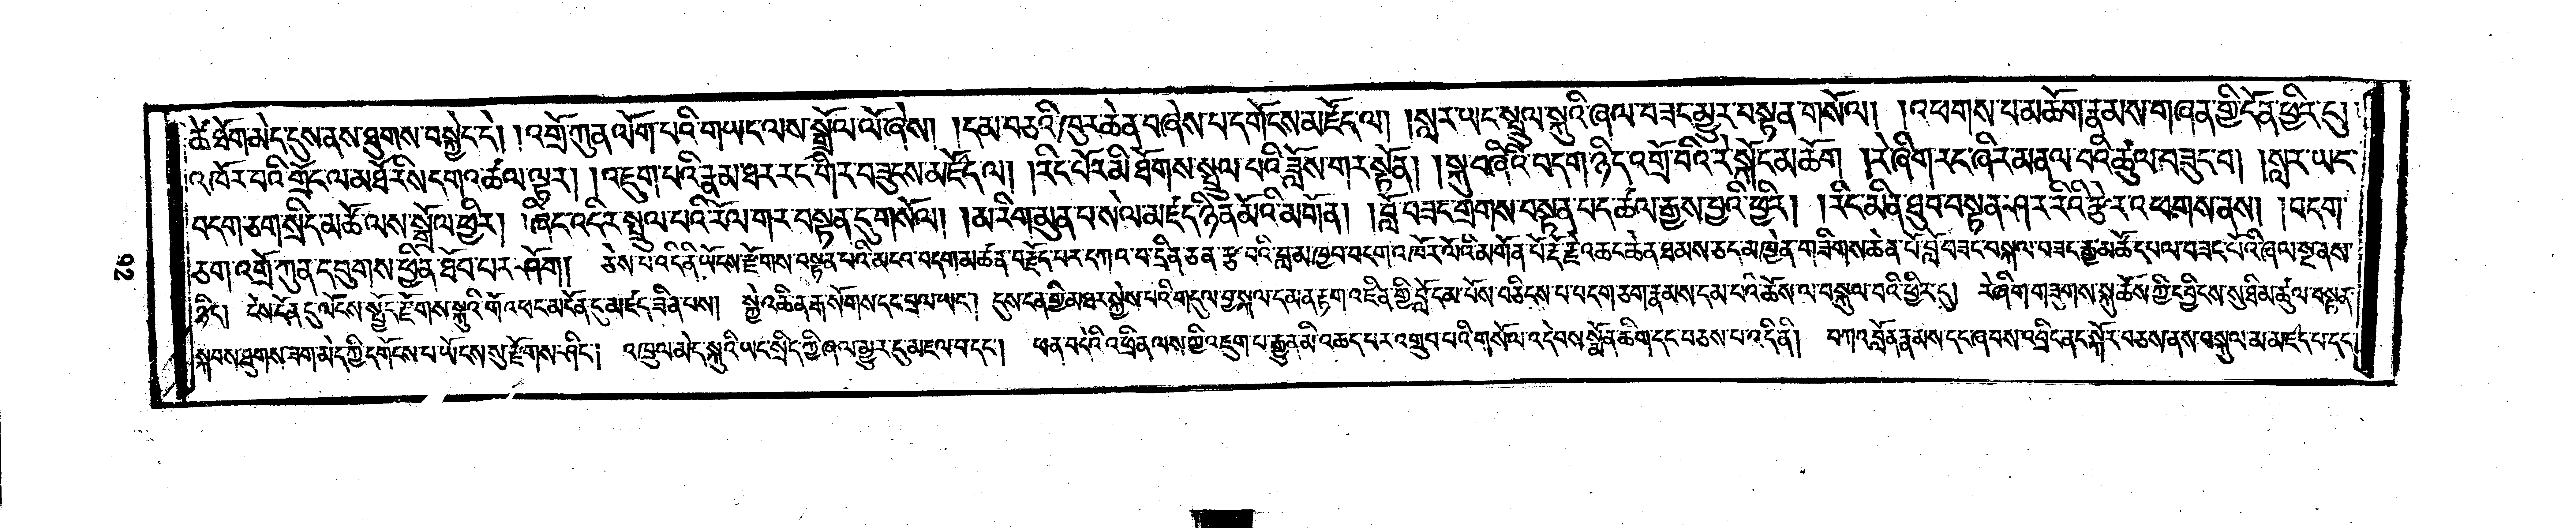ཚེ་ཐོག་མེད་དུས་ནས་ཐུགས་བསྐྱེད་དེ། །འགྲོ་ཀུན་ལོག་པའི་གཡང་ལས་སྒྲོལ་ལོ་ཞེས། །དམ་བཅའི་ཁུར་ཆེན་བཞེས་པ་དགོངས་མཛོད་ལ། །སླར་ཡང་སྤྲུལ་སྐུའི་ཞལ་བཟང་མྱུར་བསྟན་གསོལ། །འཕགས་པ་མཆོག་རྣམས་གཞན་གྱི་དོན་ཕྱིར་དུ།།
འཁོར་བའི་གྲོང་ལ་མཐོ་རིས་དགའ་ཚལ་ལྟར། །འཇུག་པའི་རྣམ་ཐར་རང་གིར་བཟུངས་མཛོད་ལ། །རིང་པོར་མི་ཐོགས་སྤྲུལ་པའི་ཟློས་གར་སྟོན། །སྐུ་བཞིའི་བདག་ཉིད་འགྲོ་བའི་རེ་སྐོང་མཆོག །རེ་ཞིག་རང་ཞིར་མནལ་བའི་ཚུལ་བཟུང་བ། །སླར་ཡང་
བདག་ཅག་སྲིད་མཚོ་ལས་སྒྲོལ་ཕྱིར། །ཞིང་འདིར་སྤྲུལ་པའི་རོལ་གར་བསྟན་དུ་གསོལ། །མ་རིག་མུན་པ་སེལ་མཛད་ཉིན་མོའི་མགོན། །བློ་བཟང་གྲགས་བསྟན་པད་ཚལ་རྒྱས་བྱའི་ཕྱིར། །རིང་མིན་ཐུབ་བསྟན་ཤར་རིའི་རྩེར་འཕགས་ནས། །བདག་
ཅག་འགྲོ་ཀུན་དབུགས་ཕྱིན་ཐོབ་པར་ཤོག། ཅེས་པ་འདི་ནི་ཡོངས་རྫོགས་བསྟན་པའི་མདའ་བདག་མཚན་བརྗོད་པར་དཀའ་བ་དྲིན་ཅན་རྩ་བའི་བླ་མ་ཁྱབ་བདག་འཁོར་ལོའི་མགོན་པོ་རྡོ་རྗེ་འཆང་ཆེན་ཐམས་ཅད་མཁྱེན་གཟིགས་ཆེན་པོ་བློ་བཟང་བསྐལ་བཟང་རྒྱ་མཚོ་དཔལ་བཟང་པོའི་ཞལ་སྔ་ནས་
ཉིད། ངེས་དོན་དུ་ལོངས་སྤྱོད་རྫོགས་སྐུའི་གོ་འཕང་མངོན་དུ་མཛད་ཟིན་པས། སྐྱེ་འཆི་ན་རྒ་སོགས་དང་བྲལ་ཡང་། དུས་ངན་གྱི་མཐར་སྐྱེས་པའི་གདུལ་བྱ་སྐལ་དམན་རྟག་འཛིན་གྱི་བློ་དམ་པོས་བཅིངས་པ་བདག་ཅག་རྣམས་དམ་པའི་ཆོས་ལ་བསྐུལ་པའི་ཕྱིར་དུ། རེ་ཞིག་གཟུགས་སྐུ་ཆོས་ཀྱི་དབྱིངས་སུ་ཐིམ་ཚུལ་བསྟན་
སྐབས་ཐུགས་ཟག་མེད་ཀྱི་དགོངས་པ་ཡོངས་སུ་རྫོགས་ཤིང་། འཁྲུལ་མེད་སྐུའི་ཡང་སྲིད་ཀྱི་ཞལ་མྱུར་དུ་མཇལ་བ་དང་། ཕན་བདེའི་འཕྲིན་ལས་ཀྱི་འཇུག་པ་རྒྱུན་མི་འཆད་པར་འགྲུབ་པའི་གསོལ་འདེབས་སྨོན་ཚིག་དང་བཅས་པ་འདི་ནི། བཀའ་བློན་རྣམས་དང་ཞབས་འབྲིང་ནང་སྐོར་བཅས་ནས་བསྐུལ་མ་མཛད་པ་དང་